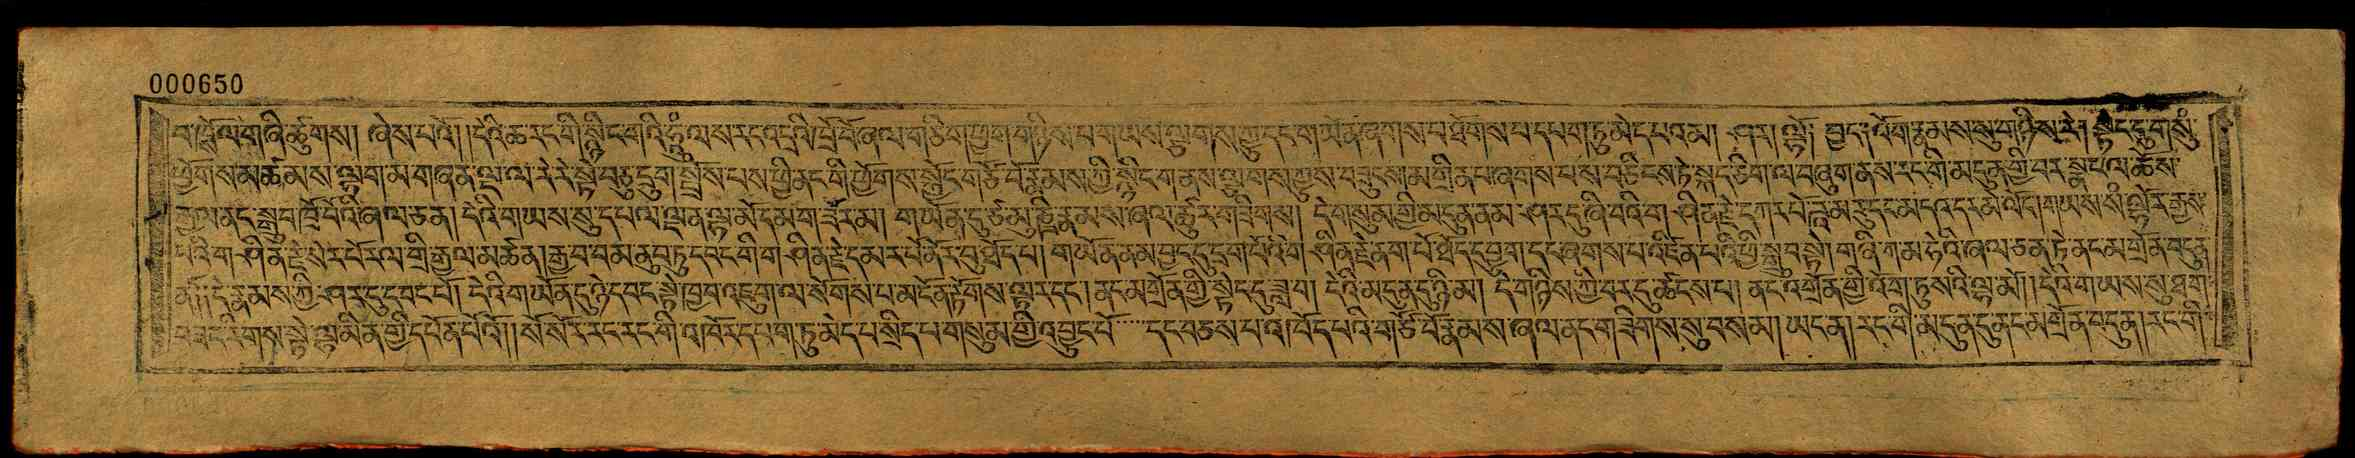བོ་ཁོས་ལ་གཞི་ཚུགས། ཞེས་པའོ། །དེའི་ཚེ་རང་གི་སྙིང་གའི་ཧཱུཾ་ལས་རང་འདྲའི་ཁྲོ་བོ་ཞལ་གཅིག་ཕྱག་གཉིས་པ་གཡས་ལྕགས་ཀྱུ་དང་གཡོན་ཞགས་པ་ཐོགས་པ་དཔག་ཏུ་མེད་པའམ། ཤར། ལྷོ༑ བྱང༑ འོག་རྣམས་སུ་གཉིས་རེ། སྟེང་དུ་གསུཾ།
ཕྱོགས་མཚམས་ལྷག་མ་གཞན་ལྔ་ལ་རེ་རེ་སྟེ་བཅུ་དྲུག་སྤྲོས་པས་ཕྱི་ནང་གི་ཕྱོགས་སྐྱོང་གཙོ་བོ་རྣམས་ཀྱི་སྙིང་གནས་ལྕགས་ཀྱུས་བཟུངས། མགྲིན་པ་ཞགས་པས་བཅིངས་ཏེ་སྐད་ཅིག་ལ་བཀུག་ནས་རང་གི་མདུན་གྱི་བར་སྣང་ལ་ཆོས་
རྒྱལ་ནང་སྒྲུབ་ཁྲོ་བོའི་ཞལ་ཅན། དེའི་གཡས་སུ་དཔལ་ལྡན་ལྷ་མོ་དམག་ཟོར་མ། གཡོན་དུ་ཙ་མུཎྜི་རྣམས་ཞལ་ཚུར་གཟིགས། དེ་གསུམ་གྱི་མདུན་ནམ་ཤར་དུ་ཞི་བའི་གཤིན་རྗེ་དཀར་པོ་ཌཱ་མ་རུ་དང་མདའ་དར་མེ་ལོང་། གཡས་སཾ་ལྷོར་རྒྱས་
པའི་གཤིན་རྗེ་སེར་པོ་རལ་གྲི་རྒྱལ་མཚན། རྒྱབ་བ་མ་ནུབ་ཏུ་དབང་གི་གཤིན་རྗེ་དམར་པོ་ནོར་བུ་ཐོད་པ། གཡོན་ནམ་བྱང་དུ་དྲག་པོའི་གཤིན་རྗེ་ནག་པོ་ཐོད་དབྱུག་དང་ཞགས་པ་འཛིན་པའི་ཕྱི་སྒྲུབ་སྟེ། བཞི་ཀ་མཧེའི་ཞལ་ཅན་ཏེ་ནང་མགྲོན་བདུན་
ནོ༑ ༑དེ་རྣམས་ཀྱི་ཤར་དུ་དབང་པོ། དེའི་གཡོན་དུ་ཉེ་དབང་སྟེ་ཁྱབ་འཇུག་ལ་སོགས་པ་མངོན་རྟོགས་ལྟར་དང་། ནང་མགྲོན་གྱི་སྟེང་དུ་ཟླ་བ། དེའི་མདུན་དུ་ཉི་མ། དེ་གཉིས་ཀྱི་བར་དུ་ཚངས་པ། ནང་མགྲོན་གྱི་འོག་ཏུ་སའི་ལྷ་མོ། །དེའི་གཡས་སུ་ཐགས་
བཟང་རིགས་སྟེ་ལྷ་མིན་གྱི་དཔོན་པོའོ། །སོ་སོར་རང་རང་གི་འཁོར་དཔག་ཏུ་མེད་པ་སྲིད་པ་གསུམ་གྱི་འབྱུང་པོ་དང་བཅས་པ་འཁོད་པའི་གཙོ་བོ་རྣམས་ཞལ་ནང་གཟིགས་སུ་བསམ། ཡང་ན། རང་གི་མདུན་དུ་ནང་མགྲོན་བདུན། རང་གི་